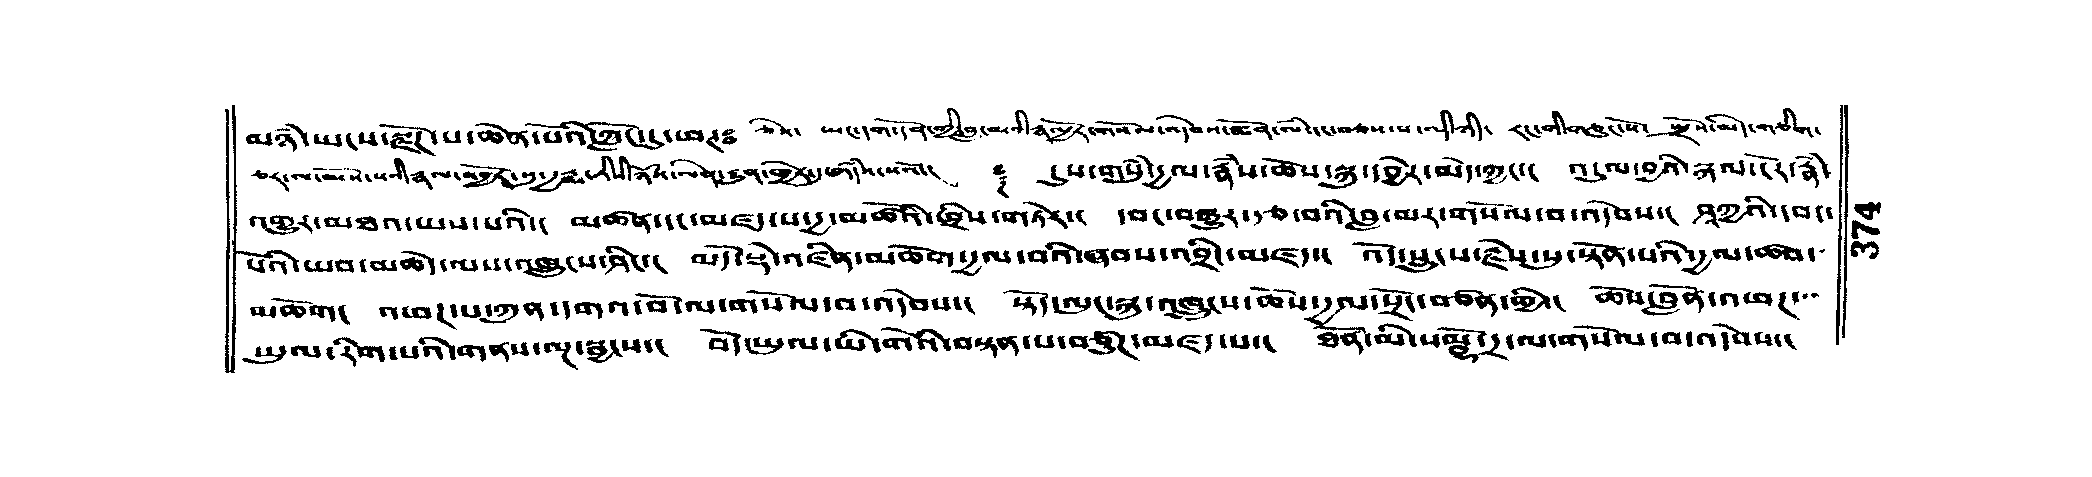།མཉམ་ཡངས་རྫོགས་པ་ཆེན་པོའི་ཀློང་དུ་ཕཊཿ ཅེས་ཡང་དག་དོན་གྱི་བླ་མའི་རྣལ་འབྱོར་གསོལ་འདེབས་སྨོན་ལམ་དང་བཅས་པ་འདི་ཉིད་རང་གི་གཅུང་པོ་སྤྲོས་མེད་གཅིག་
ཅར་ལ་མོས་པའི་རྣལ་འབྱོར་སུ་དྷརྨ་ཏིའི་ཉམས་ལེན་རྒྱུན་ཁྱེར་དུ་གདམས་པའོ།། ༈ དུས་གསུམ་རྒྱལ་རྣམས་ཆོས་སྐུ་དབྱེར་མེད་ཀྱང་། །འདུལ་བྱའི་སྐལ་ངོར་རྣམ་
འགྱུར་མཐའ་ཡས་པའི། །མཚན་དང་མཛད་པ་རྒྱ་མཚོའི་ཕྲིན་ལས་གཏེར། །དབང་བསྒྱུར་རྩ་བའི་བླ་མར་གསོལ་བ་འདེབས། །ཤཱཀྱའི་དབང་
པོའི་ཡབ་མཆོད་ལས་འཁྲུངས་ཤིང་། །མདོ་སྡེ་འཛིན་མཆོག་རྒྱལ་བའི་ཞབས་འབྲིང་མཛད། །འོད་སྲུངས་རྗེས་སུ་སྟོན་པའི་རྒྱལ་ཚབ་
མཆོག །འཕགས་པ་ཀུན་དགའ་བོ་ལ་གསོལ་བ་འདེབས། །སྟོད་ལུང་སྐུ་འཁྲུངས་ཆོས་རྒྱལ་སྲོང་བཙན་གྱི། །ཆོས་བློན་འཕགས་
ཡུལ་རིག་པའི་གནས་ལྔ་སྦྱངས། །བོད་ཡུལ་ཡི་གེའི་བསྟན་པ་བཙུགས་མཛད་པ། །ཐོན་མི་སམྦྷོ་ཊ་ལ་གསོལ་བ་འདེབས།